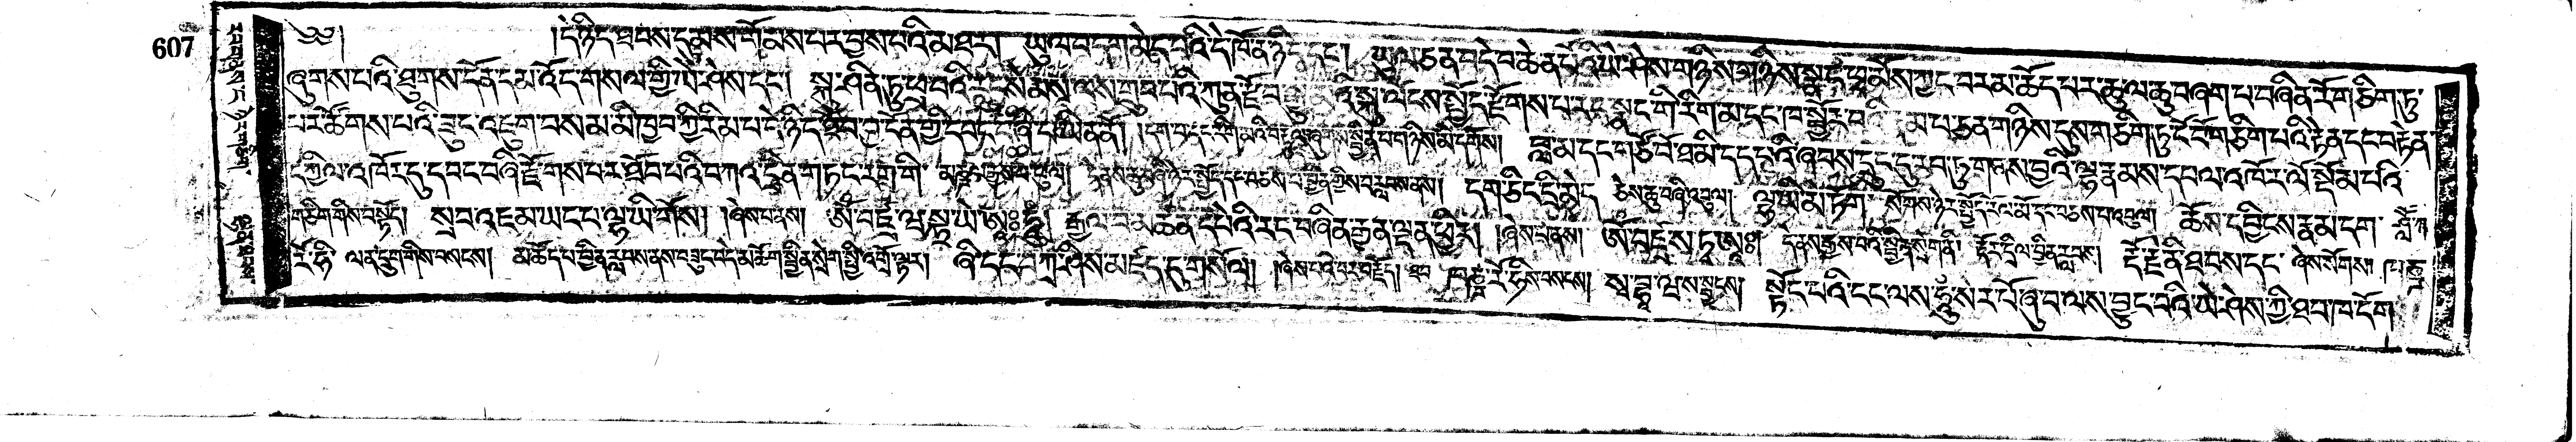༄༅། །དེ་ཉིད་ཐབས་དུ་མས་གོམས་པར་བྱས་པའི་མཐར། ཡུལ་བདག་མེད་པའི་དེ་ཁོ་ན་ཉིད་དང་། ཡུལ་ཅན་བདེ་བ་ཆེན་པོའི་ཡེ་ཤེས་གཉིས་གཉིས་སྣང་ཕྲ་མོས་ཀྱང་བར་མ་ཆོད་པར་ཆུ་ལ་ཆུ་བཞག་པ་བཞིན་རོ་གཅིག་ཏུ་
ཞུགས་པའི་ཐུགས་དོན་དམ་འོད་གསལ་གྱི་ཡེ་ཤེས་དང་། སྐུ་ཤིན་ཏུ་ཕྲ་བའི་རླུང་སེམས་ལས་གྲུབ་པའི་ཀུན་རྫོབ་སྒྱུ་མའི་སྐུ་ལོངས་སྤྱོད་རྫོགས་པ་རང་སྣང་གི་རིག་མ་དང་ཁ་སྦྱོར་བའི་རྣམ་པ་ཅན་གཉིས་དུས་གཅིག་ཏུ་ངོ་བོ་གཅིག་པའི་རྟེན་དང་བརྟེན་
པར་ཚོགས་པའི་ཟུང་འཇུག་བསམ་མི་ཁྱབ་ཀྱི་རིམ་པ་དེ་ཉིད་ཐོབ་བྱ་དོན་གྱི་དབང་བཞི་པ་ཡིན་ནོ། །དག་པ་དང་རིག་མའི་བརྟུལ་ཞུགས་སྦྱིན་པ་གཉིས་མི་དགོས།  བླ་མ་དང་གཙོ་བོ་ཐ་མི་དད་པའི་ཞབས་དྲུང་དུ་རབ་ཏུ་གནས་བྱའི་ལྷ་རྣམས་དཔལ་འཁོར་ལོ་སྡོམ་པའི་
དཀྱིལ་འཁོར་དུ་དབའ་བཞི་རྫོགས་བར་ཐོབ་པའི་བཀའ་དྲིན་གཏང་རག་གི་མཎྜལ་རྒྱས་པ་ཕུལ་དེ་ནས་ཆུ་བཞི་ཉེར་སྤྱོད་དང་བཅས་པ་བྱིན་གྱིས་བརླབས་ནས།  དག་ཅིང་དྲི་མེད། ཅེས་ཆུ་བཞི་འབུལ།  ལྷ་ཡི་མེ་ཏོག་སོགས་ཉེར་སྤྱོད་རོལ་མོ་དང་བཅས་པ་འབུལ།  ཆོས་དབྱིངས་རྣམ་དག་ཤླཽཀ་
གཅིག་གིས་བསྟོད། སྲབ་འཇམ་ཡང་པ་ལྷ་ཡི་གོས། །ཞེས་པ་ནས།  ཨོཾ་བཛྲ་ཝ་སྟྲ་ཡེ་ཨཱཿཧཱུཾ། རྒྱལ་བ་མཚན་དཔེའི་རང་བཞིན་རྒྱན་ལྡན་ཕྱིར། །ཞེས་པ་ནས།  ཨོཾ་བཛྲ་ཏྭ་ཨཱཿ། དེ་ནས་རྒྱས་པའི་སྦྱིན་སྲེག་ནི། རྡོར་དྲིལ་བྱིན་རླབས།  རྡོ་རྗེ་ནི་ཐབས་དང་ཞེས་སོགས་ཁཎྜ་
རོ་ཧི་ཞན་དུག་གིས་བསངས། མཆོད་པ་བྱིན་རླབས་ནས་འཐུང་བདེ་མཆོག་སྦྱིན་སྲེག་སྤྱི་འགྲོ་ལྟར།  ཞི་དང་བཀྲ་ཤིས་མཛད་དུ་གསོལ། །ཞེས་པའི་བར་བརྗོད། ཐབ་ཁཎྜ་རོ་ཧིས་བསངས།  སྭ་བྷཱ་ཝ་ས་སྦྱངས། སྟོང་པའི་ངང་ལས་ཧཱུཾ་སེར་པོ་ཞུ་བ་ལས་བྱུང་བའི་ཡེ་ཤེས་ཀྱི་ཐབ་ཁ་དོག་